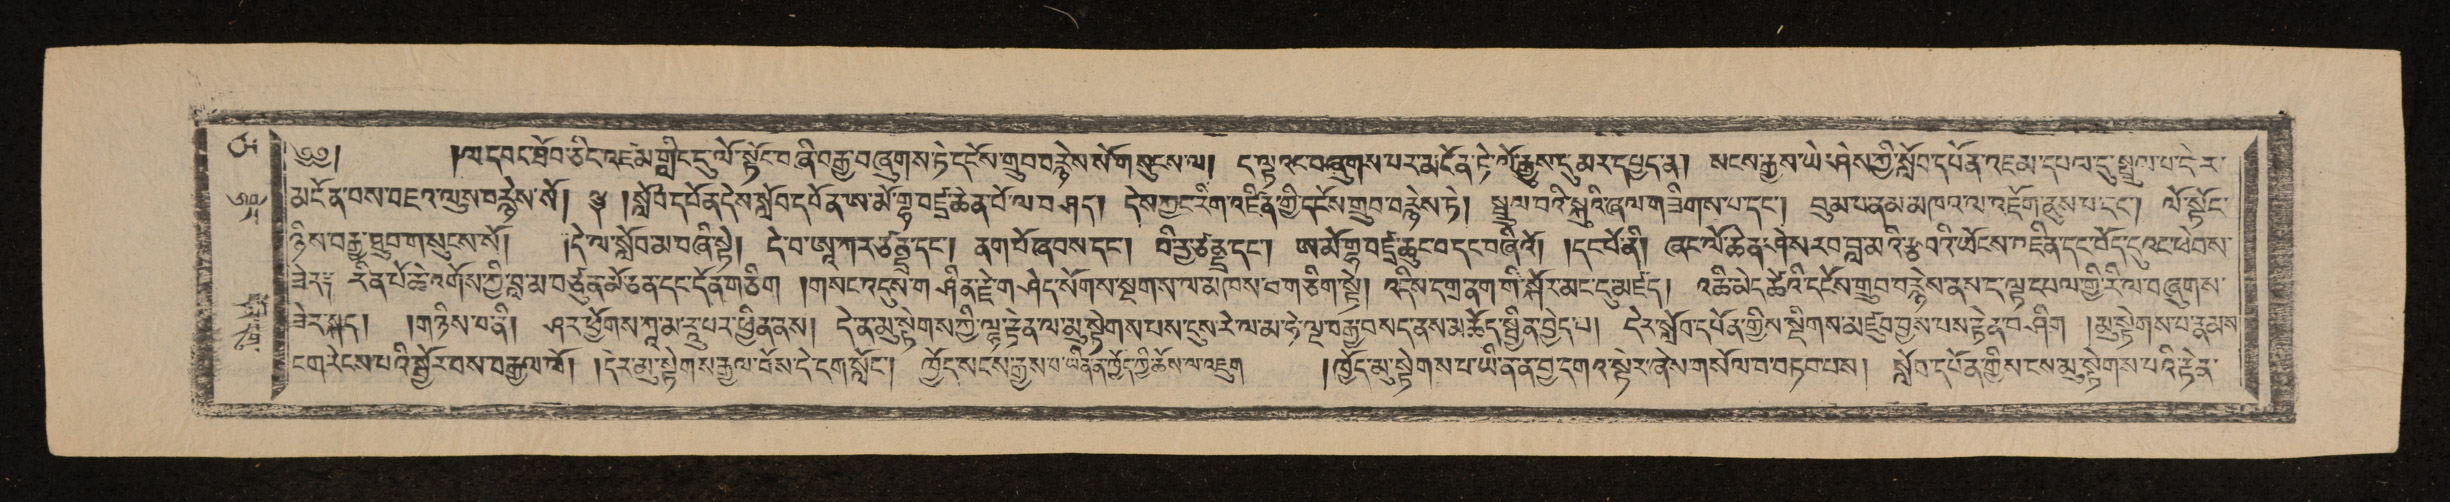༄༅། །ལ་དབང་ཐོབ་ཅིང་འཛམ་གླིང་དུ་ལོ་སྟོང་བཞི་བརྒྱ་བཞུགས་ཏེ་དངོས་གྲུབ་བརྙེས་སོ་གསུངས་ལ། ད་ལྟའང་བཞུགས་པར་མངོན་ཏེ་ལོ་རྒྱུས་དུ་མར་དཔྱད་ན། སངས་རྒྱས་ཡེ་ཤེས་ཀྱི་སློབ་དཔོན་འཇམ་དཔལ་དུ་སྤྲུལ་པ་དེར་
མངོན་པས་འཇའ་ལུས་བརྙེས་སོ། ༈ །སློབ་དཔོན་དེས་སློབ་དཔོན་ཨ་མོ་གྷ་བཛྲ་ཆེན་པོ་ལ་བཤད། དེས་ཀྱང་རིག་འཛིན་གྱི་དངོས་གྲུབ་བརྙེས་ཏེ། སྤྲུལ་པའི་སྐུའི་ཞལ་གཟིགས་པ་དང་། བུམ་པ་ནམ་མཁའ་ལ་འཇོག་ནུས་པ་དང་། ལོ་སྟོང་
ཉིས་བརྒྱ་ཐུབ་གསུངས་སོ། །དེ་ལ་སློབ་མ་བཞི་སྟེ། དེ་བ་ཨཱ་ཀ་ར་ཙནྡྲ་དང་། ནག་པོ་ཞབས་དང་། བིརྱ་ཙནྡྲ་དང་། ཨ་མོ་གྷ་བཛྲ་ཆུང་བ་དང་བཞིའོ། །དང་པོ་ནི། ཞང་ལོ་ཆེན་ཤེས་རབ་བླ་མའི་རྩ་བའི་ཡོངས་འཛིན་དང་བོད་དུའང་ཕེབས་
ཟེར༑ རིན་པོ་ཆེ་འགོས་ཀྱི་བླ་མ་བཙུན་མོ་ཅན་དང་དོན་གཅིག །གསང་འདུས་གཤིན་རྗེ་གཤེད་སོགས་སྔགས་ལ་མཁས་པ་གཅིག་སྟེ། འདིས་དགྲ་ནག་གི་སྐོར་མང་དུ་མཛད། འཆི་མེད་ཚེའི་དངོས་གྲུབ་བརྙེས་ནས་ད་ལྟ་དཔལ་གྱི་རི་ལ་བཞུགས་
ཟེར་སྐད། །གཉིས་པ་ནི། ཤར་ཕྱོགས་ཀཱ་མ་རཱུ་པར་ཕྱིན་ནས། དེ་ན་མུ་སྟེགས་ཀྱི་ལྷ་རྟེན་ལ་མུ་སྟེགས་པས་དུས་རེ་ལ་མ་ཧེ་ལྔ་བརྒྱ་བསད་ནས་མཆོད་སྦྱིན་བྱེད་པ། དེར་སློབ་དཔོན་གྱིས་སྡིགས་མཛུབ་བྱས་པས་རྟེན་བཤིག །མུ་སྟེགས་པ་རྣམས་
ངས་རེངས་པའི་སྦྱོར་བས་བརྒྱལ་ལོ། །དེར་མུ་སྟེགས་རྒྱལ་པོས་དེ་དག་སློང་། ཁྱོད་སངས་རྒྱས་པ་ཡིན་ན་ཁྱོད་ཀྱི་ཆོས་ལ་འཇུག །ཁྱོད་མུ་སྟེགས་བ་ཡིན་ན་བྱ་དགའ་སྟེར་ཞེས་གསོལ་བ་བཏབ་པས། སློབ་དཔོན་གྱིས་ངས་མུ་སྟེགས་པའི་རྟེན་